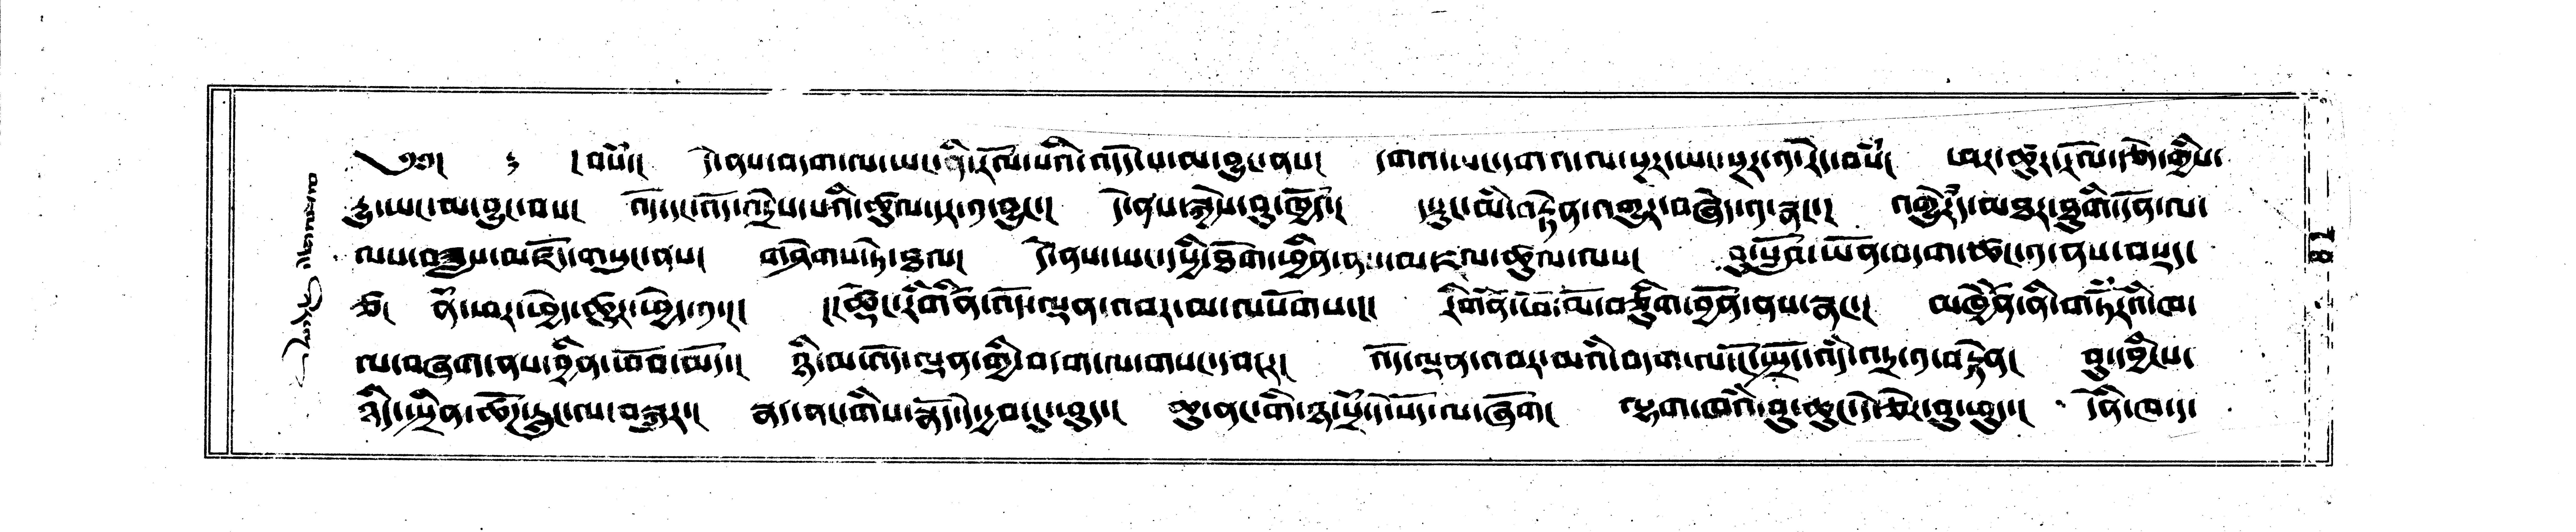བསམ། དེ་ནས་བདག་ལ་ཡང་ནི་རོལ་པའི་འདོད་པ་མ་བྱུང་ནས། དགའ་ཡང་དགའ་ལ་སྔར་ཡང་སྔར་གཅིག་རེད་བསམ། ཕར་ཚུར་རོལ་རྩེད་གྱི་
རྒྱུ་ཡང་མ་བྱུང་བས། འོད་དང་འོད་འདྲེས་པའི་ཚུལ་དར་གཅིག་བྱུང་། དེ་ནས་སྐྱེས་བུ་ཁྱོད། ད་རུང་མི་བརྟེན་འགུར་བཞེད་གཅིག་སྣང་། འགྱུར་མེད་མཐར་ཐུག་གི་དོན་ལ་
ལས་བཟླས་མཛོད་གསུངས་ནས། གཤེགས་ཏེ་ཐལ། དེ་ནས་ཡང་དཔྱི་༼དཔྱིད༽ཐོག་ཕྱིན་ནས་མཇལ་ཚུལ་ལས། བུ་སློབ་ཡོན་བདག་ཚང་གཅིག་ནས་བསྡད་
ཙ། ནམ་ཕར་ཕྱེད་ཚུར་ཕྱེད་གཅིག ཚེ་དབང་རིག་འཛིན་འོད་ལྡན་འབར་མ་ལ་སོགས། རིག་འཛིན་ཕོ་མོ་བཅུ་གཅིག་བྱོན་ནས་སྣང་། མཁྱེན་བརྩེ་ནི་གཏོར་མའི་ཁ་
ལ་བཞག་ནས་བྱིན་ཕོབ་མོད། ཉི་མ་འོད་ལྡན་གྱི་བདག་ལ་གསང་དབང་བསྐུར། འོད་ལྡན་འབར་མའི་བདག་ལ་ངོ་སྤྲོད་འདི་འདྲ་གཅིག་བརྟེན། བུ་དབྱིངས་
ཉིད་སྤྲིན་ཚོགས་རླུང་ལ་བསྐུར། སྣད་ནང་གིས་སྣོད་དེ་རྒྱབ་དུ་ཕུད། ཆུ་ནང་གི་ཉ་སྲཾ་དེ་སོད་ལ་ཞོག ལྷག་ཁའི་བུ་ཆུང་དེ་གཅེར་བུ་ཕུད། དེ་ནི་ཁ་ད་